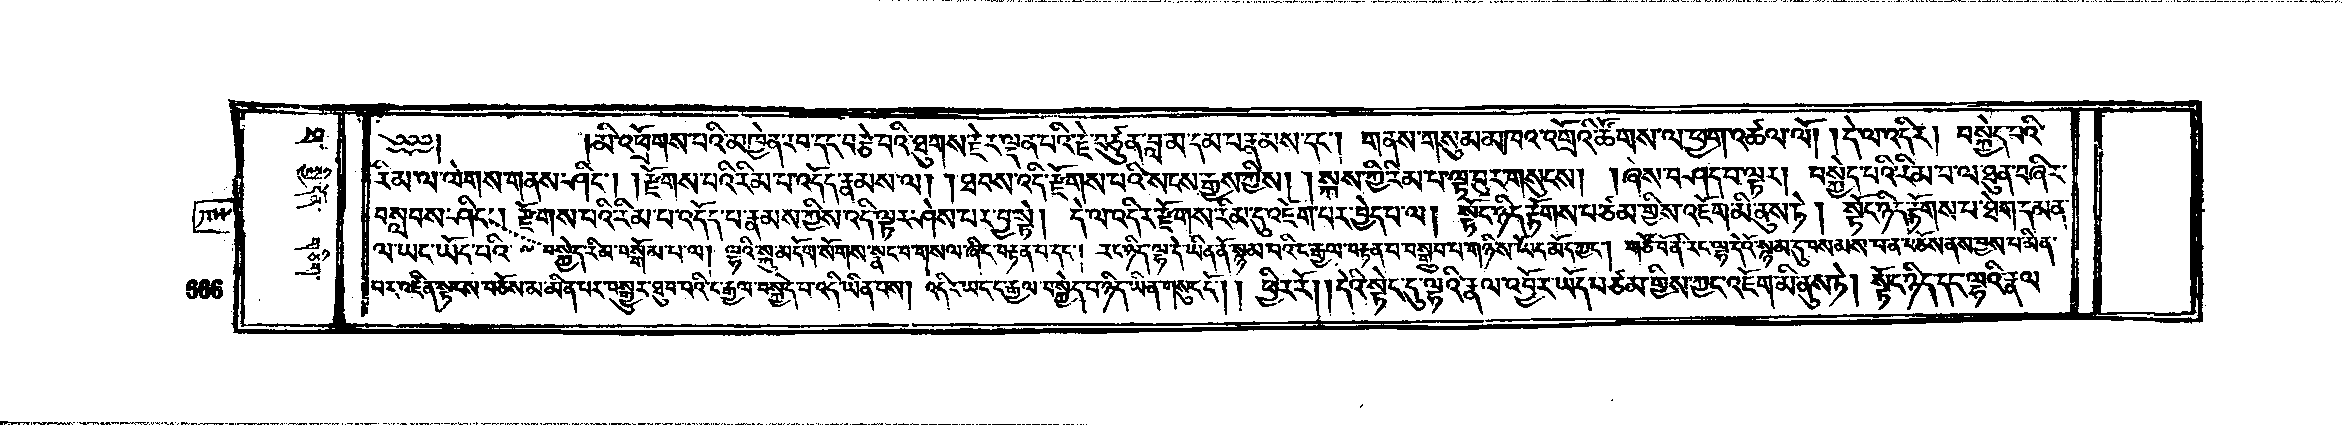༄༅༅། །མི་འཕྲོགས་པའི་མཁྱེན་རབ་དང་བརྩེ་བའི་ཐུགས་རྗེར་ལྡན་པའི་རྗེ་བཙུན་བླ་མ་དམ་པ་རྣམས་དང་། གནས་གསུམ་མཁའ་འགྲོའི་ཚོགས་ལ་ཕྱག་འཚལ་ལོ། །དེ་ལ་འདིར། བསྐྱེད་པའི་
རིམ་ལ་ལེགས་གནས་ཤིང་། །རྫོགས་པའི་རིམ་པ་འདོད་རྣམས་ལ། །ཐབས་འདི་རྫོགས་པའི་སངས་རྒྱས་ཀྱིས། །སྐས་ཀྱི་རིམ་པ་ལྟ་བུར་གསུངས། །ཞེས་བཤད་པ་ལྟར། བསྐྱེད་པའི་རིམ་པ་ལ་ཐུན་བཞིར་
བསླབས་ཤིང་། རྫོགས་པའི་རིམ་པ་འདོད་པ་རྣམས་ཀྱིས་འདི་ལྟར་ཤེས་པར་བྱ་སྟེ། དེ་ལ་འདིར་རྫོགས་རིམ་དུ་འཇོག་པར་བྱེད་པ་ལ། སྟོང་ཉིད་རྟོགས་པ་ཙམ་གྱིས་འཇོག་མི་ནུས་ཏེ། སྟོང་ཉིད་རྟོགས་པ་ཐེག་དམན་
ལ་ཡང་ཡོད་པའི་~་བསྐྱེད་རིམ་བསྒོམ་པ་ལ། ལྷའི་སྐུ་མདོག་སོགས་སྣང་བ་གསལ་ཞིང་བརྟན་པ་དང་། རང་ཉིད་ལྷ་དེ་ཡིན་ནོ་སྙམ་པའི་ང་རྒྱལ་བརྟན་པ་བསྒྲུབ་པ་གཉིས་ཡོད་མོད་ཀྱང་། གཙོ་བོ་ནི་རང་ལྷ་དེའོ་སྙམ་དུ་བསམས་པ་ན་བཅོས་ནས་བྱས་པ་མིན་
པར་འཛིན་སྟངས་བཅོས་མ་མིན་པར་བསྒྱུར་ཐུབ་པའི་ང་རྒྱལ་བསྐྱེད་པ་འདི་ཡིན་པས། འདིར་ཡང་ང་རྒྱལ་བསྐྱེད་པ་ཉིད་ཡིན་གསུང་ངོ། །ཕྱིར་རོ། །དེའི་སྟེང་དུ་ལྷའི་རྣལ་འབྱོར་ཡོད་པ་ཙམ་གྱིས་ཀྱང་འཇོག་མི་ནུས་ཏེ། སྟོང་ཉིད་དང་ལྷའི་རྣལ་